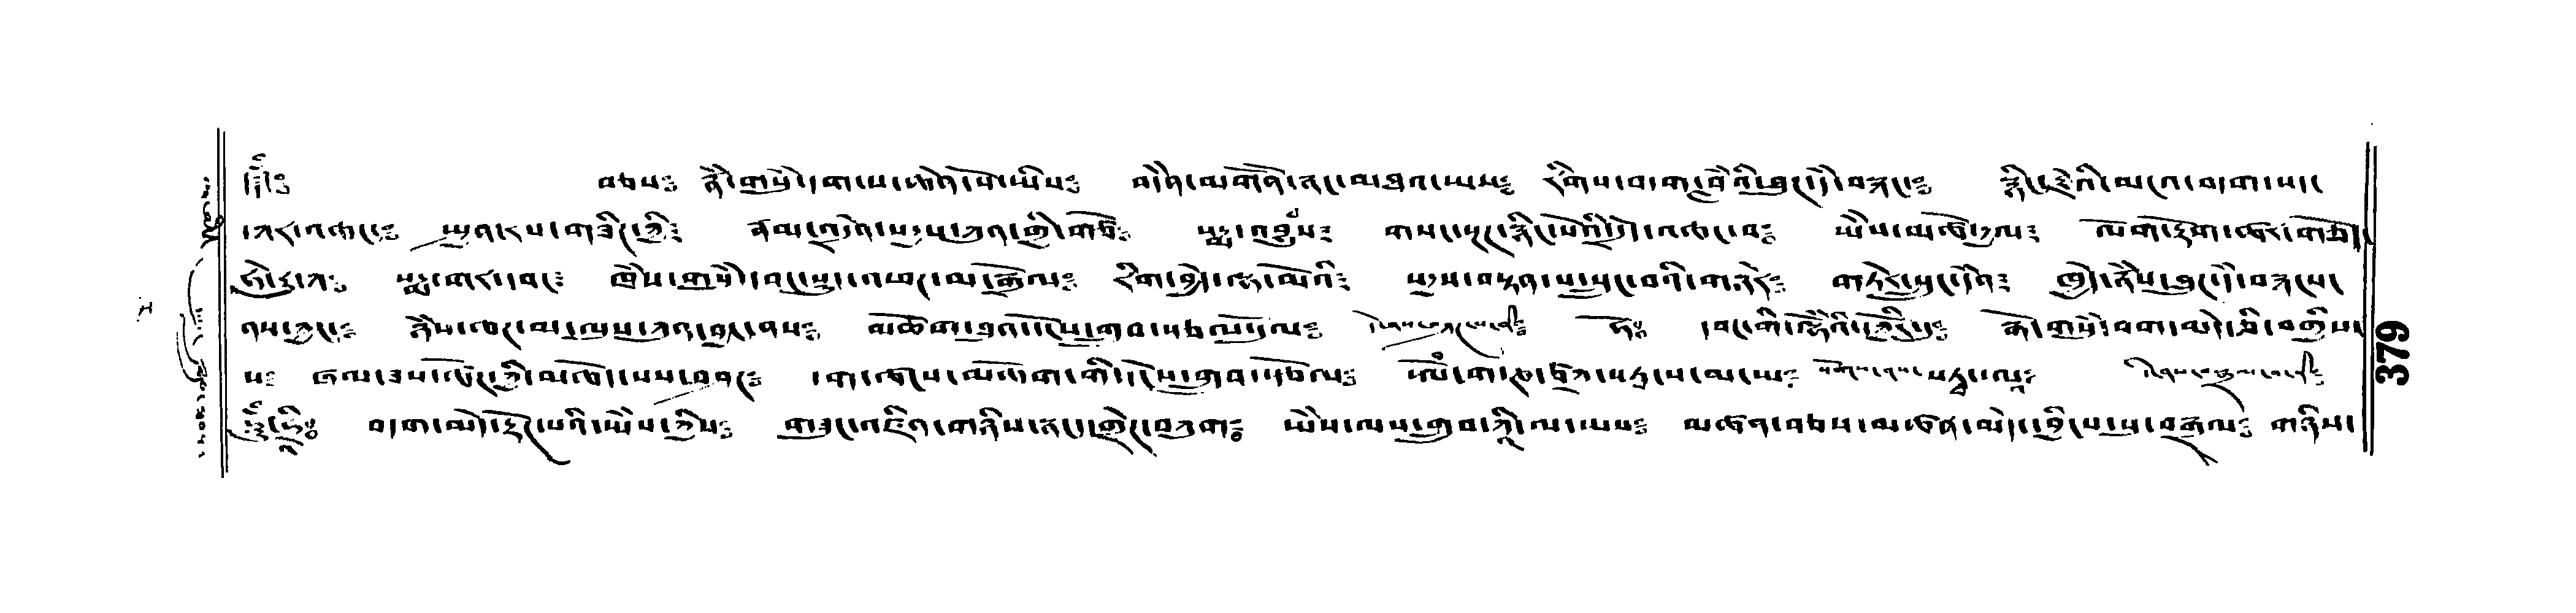བཅས༔ རྣམ་གསུམ་དག་པ་ཆེན་པོ་ཡིས༔ བདེ་ཆེན་མགོན་པོ་སྣང་མཐའ་ཡས༔ རིགས་བདག་བླ་མའི་ཐུགས་དམ་བསྐང༔ སྙིང་རྗེའི་མངའ་བདག་པད་
དཀར་འཆང༔ སྤྱན་རས་གཟིགས་ཀྱི༴ རྣམའདྲེན་སངས་རྒྱས་ཀུན་གྱི་གཙོ༔ པདྨ་འབྱུང་གནས༴ གསང་སྔགས་སྙིང་པོའི་དྲོད་འཆང་བ༔ ཡེ་ཤེས་མཚོ་རྒྱལ༴ ལོག་རྟོག་ཚར་གཅོད་
ཧེ་རུ་ཀ༔ པདྨ་གར་དབང༴ ཁམས་གསུམ་དབང་སྡུད་འཕགས་མ་སྒྲོལ༔ རིག་བྱེད་ལྷ་མོའི༴ སངས་རྒྱས་བསྟན་པ་སྲུང་བའི་གཉེར༔ གཏེར་སྲུང་དམ་ཅན༴ ཁྱེད་རྣམས་ཐུགས་དམ་བསྐངས་
ནས་ཀྱང༔ ཉམས་ཆགས་མ་ལུས་ཀུན་བྱང་ནས༔ མཆོག་ཐུན་དངོས་གྲུབ་བསྩལ་དུ་གསོལ༔ དེ་ནས་བཤགས་པ་ནི༔ ཧོཿ དབང་གི་ལྷ་མོའི་དཀྱིལ་འཁོར་དུ༔ སྒོ་གསུམ་བག་མེད་ཅི་བགྱིས་
པ༔ ཞལ་ཟས་ཚོགས་ཀྱི་མཆོད་པས་བཤགས༔ དག་ཚངས་མཆོག་གི་དངོས་གྲུབ་སྩོལ༔ ཨོཾ་ག་ཎ་ཙཀྲ་སཏྭ་ས་མ་ཡ༔ སོགས་ནས༔ སཏྭ་ཨཱཿ དེ་ནས་བསྒྲལ་བ་ནི༔ 
ཧཱུྃ་ཧྲཱིཿ བདག་མེད་རྟོགས་པའི་ཡེ་ཤེས་ཀྱིས༔ གཟུང་འཛིན་གཉིས་སྣང་དགྲ་བགེགས་བཀུག༔ ཡེ་ཤེས་ལས་གྲུབ་ཀཱི་ལ་ཡས༔ མཚན་བཅས་མཚན་མེད་དབྱིངས་སུ་བསྒྲལ༔གཉིས་